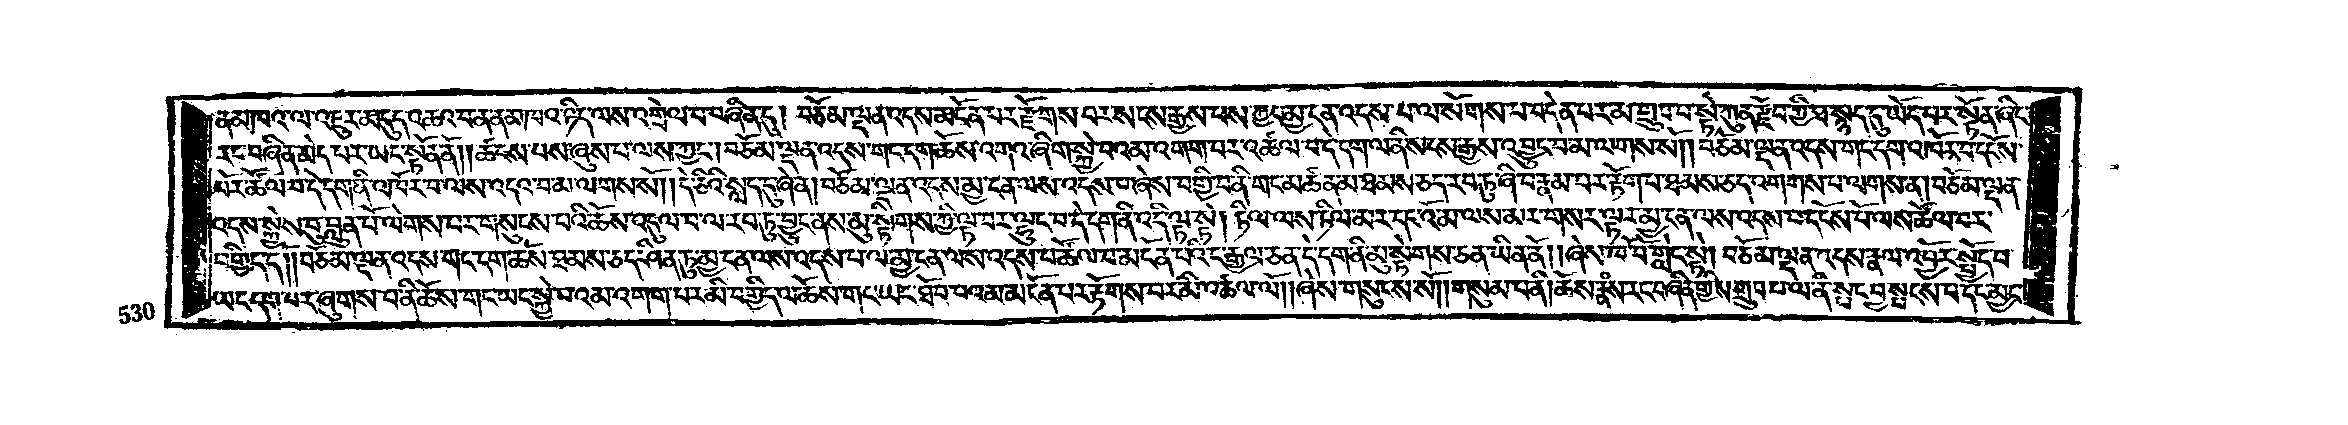ནམཁའ་ལ་འཇུར་མདུད་འཆའ་བ་ན་ནམཁའ་ཉིད་ལས་བཀྲོལ་བ་བཞིན་དུ། བཅོམ་ལྡན་འདས་མངོན་པར་རྫོགས་པར་སངས་རྒྱས་པས་ཀྱང་མྱ་ངན་འདས་པ་ལ་སོགས་པ་བདེན་པར་མ་གྲུབ་པ་སྟེ་ཀུན་རྫོབ་ཀྱི་ཐ་སྙད་དུ་ཡོད་པར་སྟོན་ཞིང་
རང་བཞིན་མེད་པར་ཡང་སྟོན་ནོ། །ཚངས་པས་ཞུས་པ་ལས་ཀྱང་། བཅོམ་ལྡན་འདས་གང་དག་ཆོས་འགའ་ཞིག་སྐྱེ་བའམ་འགག་པར་འཚལ་བ་དེ་དག་ལ་ནི་སངས་རྒྱས་འབྱུང་བ་མ་ལགས་སོ། །བཅོམ་ལྡན་འདས་གང་དག་འཁོར་བ་དངོས་
པོར་ཚོལ་བ་དེ་དག་ནི་འཁོར་བ་ལས་འདའ་བ་མ་ལགས་སོ། །དེ་ཅིའི་སླད་དུ་ཞེ་ན། བཅོམ་ལྡན་འདས་མྱ་ངན་ལས་འདས་པ་ཞེས་བགྱི་བ་ནི་གང་མཚན་མ་ཐམས་ཅད་རབ་ཏུ་ཞི་བ་རྣམ་པར་རྟོག་པ་ཐམས་ཅད་འགགས་པ་ལགས་ན། བཅོམ་ལྡན་
འདས་སྐྱེས་བུ་བླུན་པོ་ལེགས་པར་གསུངས་པའི་ཆོས་འདུལ་བ་ལ་རབ་ཏུ་བྱུང་ནས་མུ་སྟེགས་ཀྱི་ལྟ་བར་ལྷུང་བ་དེ་དག་ནི་འདི་ལྟ་སྟེ། ཏིལ་ལས་ཏིལ་མར་དང་འོ་མ་ལས་མར་གསར་ལྟར་མྱ་ངན་ལས་འདས་པ་དངོས་པོ་ལས་ཚོལ་བར་
བགྱིད་དོ། །བཅོམ་ལྡན་འདས་གང་དག་ཆོས་ཐམས་ཅད་ཤིན་ཏུ་མྱ་ངན་ལས་འདས་པ་ལ་མྱ་ངན་ལས་འདས་པ་ཚོལ་བ་མངོན་པའི་ངན་རྒྱལ་ཅན་དེ་དག་ནི་མུ་སྟེགས་ཅན་ཡིན་ནོ། །ཞེས་ཁོ་བོ་གླེང་སྟེ། བཅོམ་ལྡན་འདས་རྣལ་འབྱོར་སྤྱོད་པ་
ཡང་དག་པར་ཞུགས་པ་ནི་ཆོས་གང་ཡང་སྐྱེ་བའམ་འགག་པར་མི་བགྱིད་ལ་ཆོས་གང་ཡང་ཐོབ་པའམ་མངོན་པར་རྟོགས་པར་མི་འཚལ་ལོ། །ཞེས་གསུངས་སོ། །གསུམ་པ་ནི། ཆོས་རྣམས་རང་བཞིན་གྱིས་གྲུབ་པ་ལ་ནི་སྤང་བྱ་སྤངས་པ་དང་མྱང་